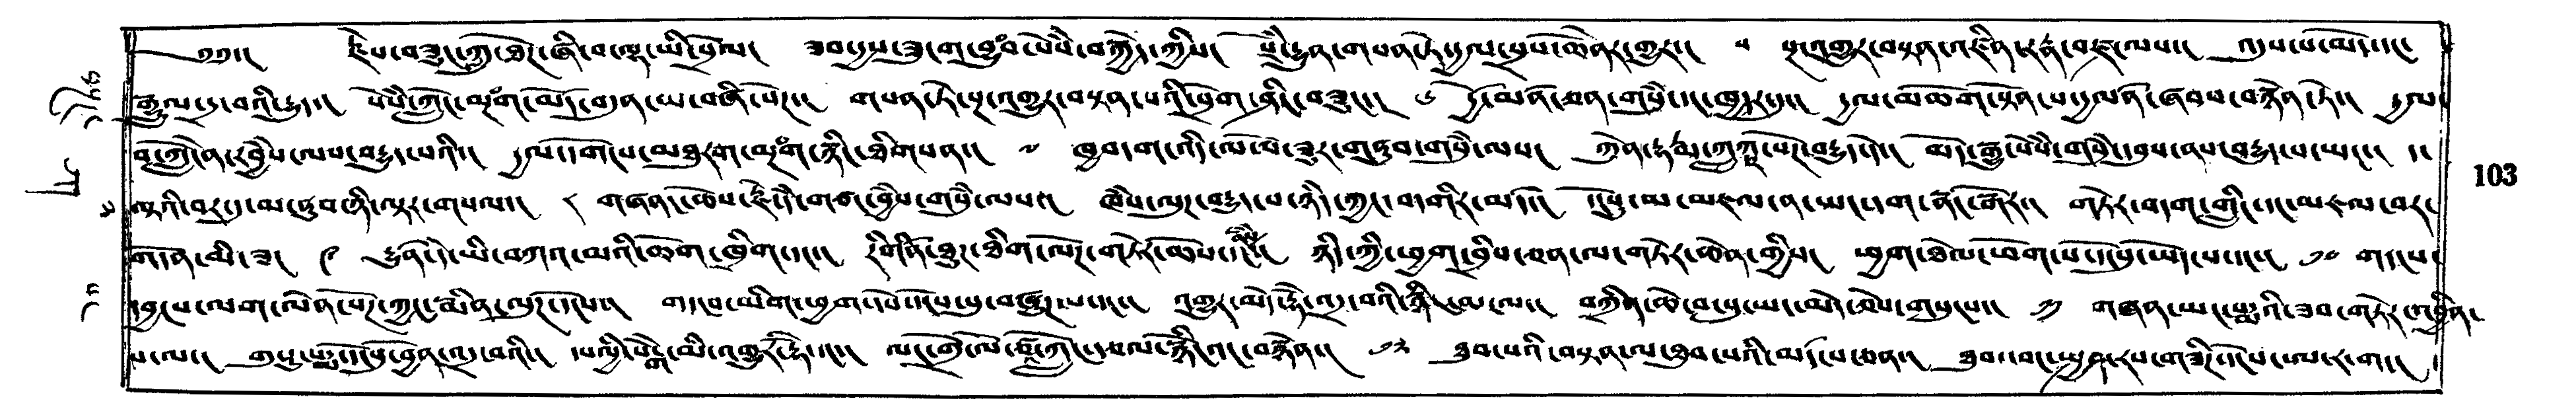།རྗེས་བཟུང་ཀླུ་ཐོགས་ཞི་བ་ལྷ་ཡི་སྲོལ། །ཟབ་རྒྱས་ཟུང་འཇུག་བྱང་ཆུབ་སེམས་བསྐྱེད་ཀྱི། །སྡོམ་རྒྱུན་གསན་ཏེ་རྒྱལ་སྲས་ཆེན་པོར་གྱུར། ། ༥༽ སྔ་འགྱུར་བསྟན་འཛིན་རཏྣ་བཛྲ་ལས། །འདུས་པ་མདོ་དང་
སྒྱུ་འཕྲུལ་དྲྭ་བའི་རྒྱུད། །སེམས་ཀློང་མན་ངག་མཛོད་བདུན་ཡ་བཞི་སོགས། །གསན་ཏེ་སྔ་འགྱུར་བསྟན་པའི་སྲོག་ཤིང་བཟུང་། ། ༦༽ རྒྱ་མཚོའི་མཚན་ཅན་གསུམ་དང་ཁྱད་པར་དུ། །རྒྱལ་མཆོག་སྟོན་པ་རྒྱལ་མཚན་ཞབས་བསྙེན་ཏེ། །རྒྱལ་
བ་ཀློང་ཆེན་རབ་འབྱམས་ལས་བརྒྱུད་པའི། །རྒྱལ་དགོངས་མཐར་ཐུག་མན་ངག་སྙིང་ཐིག་གསན། །༧༽ ཁྱབ་བདག་འདི་ལ་སོ་ཟུར་གནུབས་གསུམ་ལས། །ཀུན་མཁྱེན་དྷརྨ་ཀླཀྵ་སོགས་བརྒྱུད་དེ། །མདོ་སྒྱུ་སེམས་གསུམ་དབུས་ནས་བརྒྱུད་པ་ཡང་། །ད་
ལྟའི་བར་དུ་མ་ནུབ་ཉི་ལྟར་གསལ། ། ༨༽ གཞན་ཡང་ཆོས་རྗེ་དམ་གཙང་བྱམས་གསུམ་ལས། །ཁམས་ལུགས་བརྒྱུད་པ་ཉིད་ཀྱང་བདག་གིར་མཛད། །དངོས་སུ་མ་མཇལ་ན་ཡང་དག་སྣང་སྒོར། །གཏེར་བདག་གླིང་དང་མཇལ་བར་
གདོན་མི་ཟ། ། ༩༽ རྒྱུ་མཚན་དེ་ཡིས་བཀའ་མའི་ཆོག་ཁྲིགས་དང་། །རིག་འཛིན་ཐུགས་ཐིག་ལ་སོགས་གཏེར་ཆོས་རྣམས། །ཉིད་ཀྱི་ཕྱག་བྲིས་ཅན་ལ་གཏེར་ཆེན་གྱིས། །ཕྱག་ཐེལ་ཕོག་པ་དངོས་སུ་ཡོད་པ་དང་། ། ༡༠༽།གདངས་
དབྱངས་ལག་ལེན་སོགས་ཀྱང་སྨིན་ལུགས་དངོས། །གདངས་ཡིག་ཕྱག་དཔེ་དངོས་སུ་བཞུགས་པ་དང་། །འགྱུར་མེད་རྡོ་རྗེ་འདྲ་བའི་རྙིང་མ་ལ། །བཀའ་དྲིན་ཆེ་བ་སུ་ཡང་མེད་ཅེས་གསུངས། ། ༡༡༽གཞན་ཡང་པདྨའི་ཟབ་གཏེར་འབྱིན་
པ་ལ། །གུ་རུ་པདྨ་དངོས་སུ་བྱོན་འདྲ་བའི། །དཔལ་གྱི་སེངྒེ་མི་འགྱུར་རྡོ་རྗེ་དང་། །ལང་གྲོ་ལོ་ཙཱ་ཀློང་གསལ་སྙིང་པོའང་བསྙེན། ། ༡༢༽ ཐུབ་པའི་བསྟན་ལ་ཐུབ་པའི་མཛད་པ་ཅན། །ཐུབ་དབང་སྤྱན་རས་གཟིགས་དངོས་ཨ་ར་ག